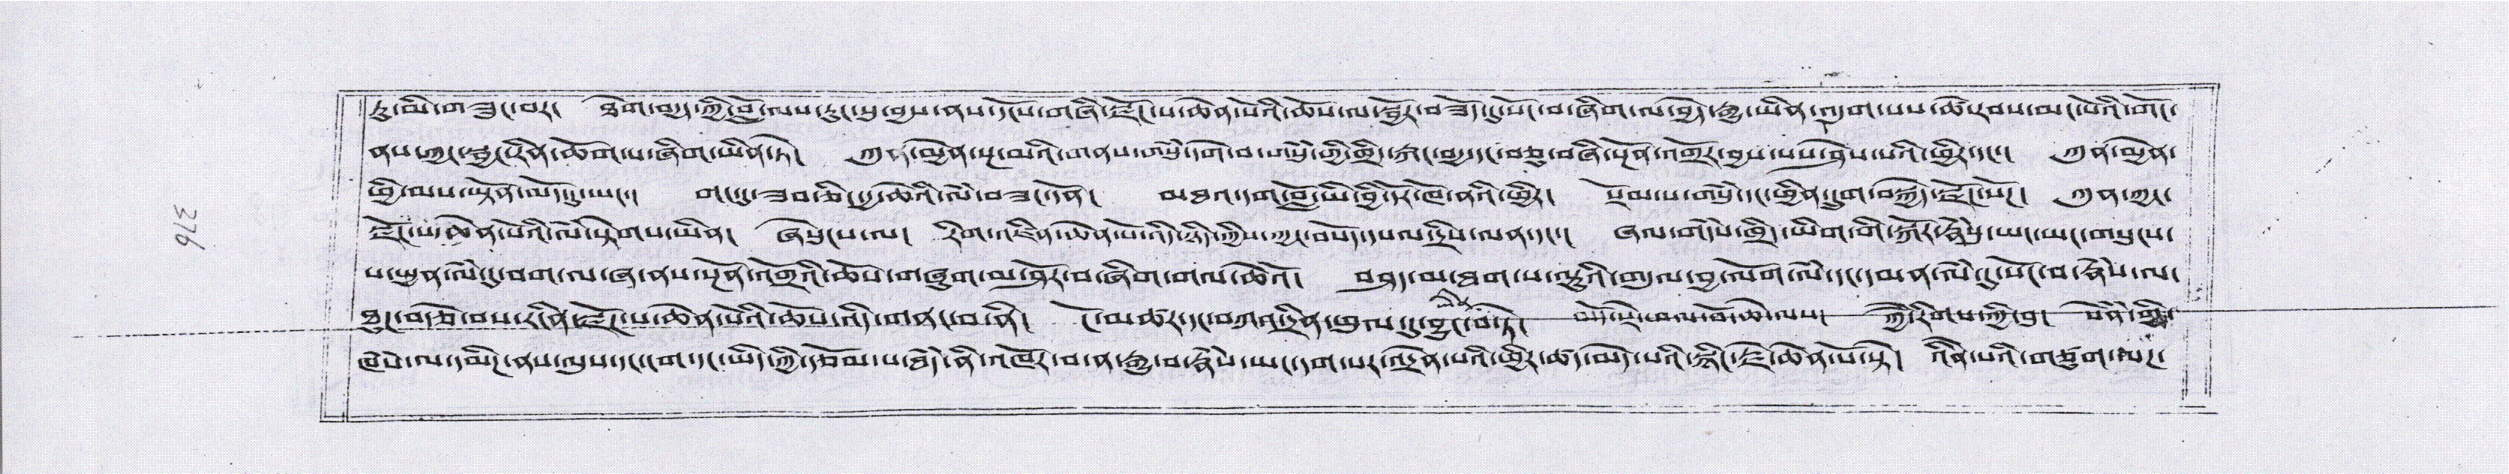ཏུ་མི་གཟུང་བར། ཐེག་བརྒྱད་ཀྱི་བློ་ལས་རུང་སུ་བྱས་ནས་དངོས་གཞི་རྫོགས་པ་ཆེན་པོའི་ཆོས་ལ་སྦྱོར་བཟོད་དུ་སོང་བ་ཞིག་ལ་བྱེད་རྒྱུ་ཡིན་འདུག་པས་ཚེ་རབས་མང་པོའི་གོང་
ནས་ཀྱང་སྦྱང་རིན་ཆོག་པ་ཞིག་ཡིན་ཏེ། ཀུན་མཁྱེན་སྔ་མའི་གནས་གསུམ་དགེ་བ་གསུམ་གྱི་ཁྲིད་རྐང་བརྒྱ་དང་བཅུ་བཞི་སྔོན་འགྲོར་བྱས་པས་ཤེས་པའི་ཕྱིར་དང། ཀུན་མཁྱེན་
ཕྱི་མས་ཡོན་ཏན་མོད་དུ་ཡང། གང་དུ་ཟབ་ཅིང་རྒྱ་ཆེའི་ལམ་བཟང་དོན། མཐའ་དག་བློ་ཡི་བྱི་དོར་ཁོ་ནའི་ཕྱིར། སྡོམ་པ་གསུམ་དང་ཕྱིན་དྲུག་བསྐྱེད་རྫོགས་སོགས། ཀུན་ཀྱང་
རྫོགས་པ་ཆེན་པོའི་ལམ་སྟེགས་ཡིན། ཞེས་གསུངས་ལ། རིག་འཛིན་ཆེན་པོ་འདི་ཉིད་ཀྱིས་ཀྱང་བསོད་དཔལ་དྲིས་ལན་དང། ཞལ་གདམས་ཁྲིད་ཡིག་གི་སྐོར་རྣམས་སུ་ཡང་ཡང་གསུངས་
པ་སྤྱན་ལམ་དུ་བག་ལ་ཞ་ནས་སྔོན་འགྲོའི་ཆོས་གཞུག་མ་ཤོར་བ་ཞིག་གལ་ཆེའོ། བཤད་མ་ཐག་པ་ལྟ་བུའི་གདུལ་བྱ་ལོག་ལམ་དང་དམན་ལམ་དུ་སོང་བ་རྣམས་ལ་
ཐུགས་བརྩེ་བས་རང་བཞིན་རྫོགས་པ་ཆེན་པོའི་ཆོས་འདི་གནང་བ་ནི། ངོ་མཚར་དང་བཀའ་དྲིན་ཕུལ་དུ་བྱུང་བ་ཡིན་ཏེ། མདོ་སྡེ་ཕལ་བོ་ཆེ་ལས། ཀྱཻ་རིགས་ཀྱི་བུ། སེམས་ཅན་གྱི་
ཁམས་ལ་དམིགས་ནས་ལུས་དང་ངག་དང་ཡིད་ཀྱི་རྩོམ་པ་ཐམས་ཅད་ནི་འཁོར་བ་ན་རྒྱུ་བ་རྣམས་ཡང་དག་པར་འདྲེན་པའི་ཕྱིར་ཚད་མེད་པའི་སྙིང་རྗེ་ཆེན་པོ་སྟེ། འཇིག་རྟེན་པའི་གཙུག་ལག་